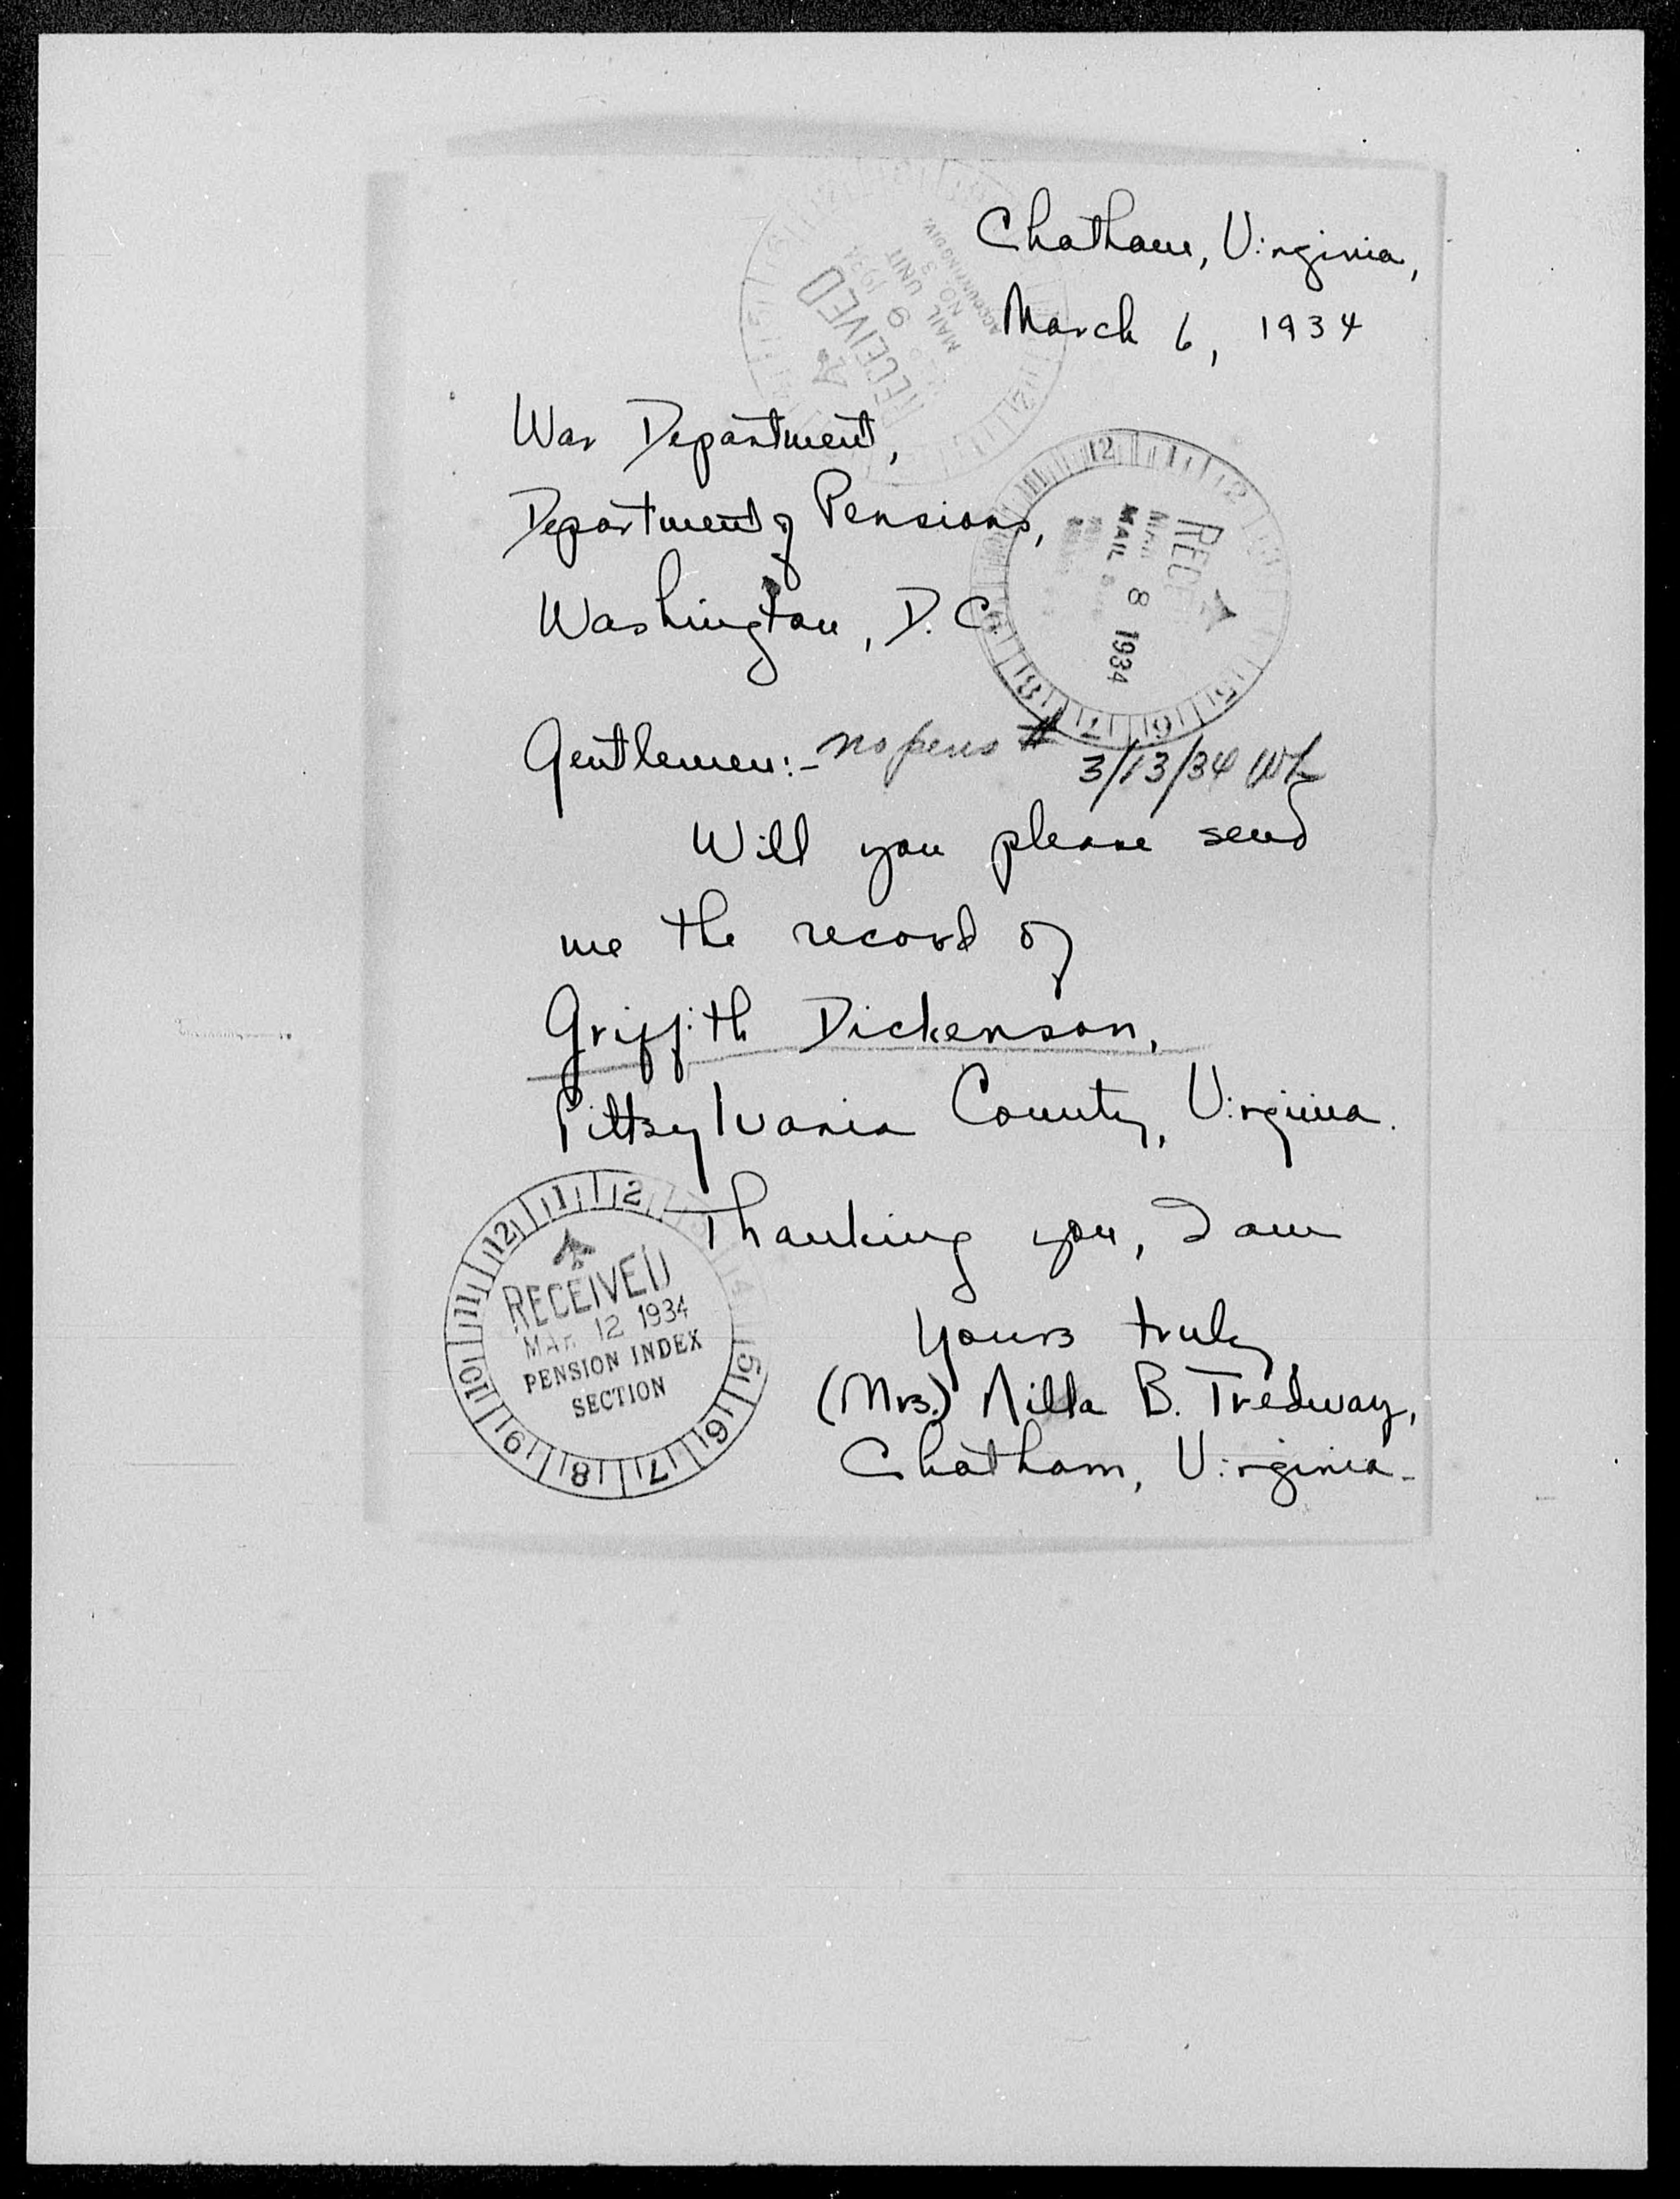Chatham, Virginia,
March 6, 1934
War Department
Department of Pension
Washington, D.C.
Gentlemen:- no pens # 3/13/34 WL
Will you please send me the record of Griffith Dickenson, Pittsylvania County, Virginia.
Thanking you, I am yours truly,
(Mrs.) Nilla B. Tredway,
Chatham, Virginia.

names: Willa B Tredway, Griffith Dickenson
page: 24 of 26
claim: survivor's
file: S. 20896, Griffeth Dickenson, Ga. Va.